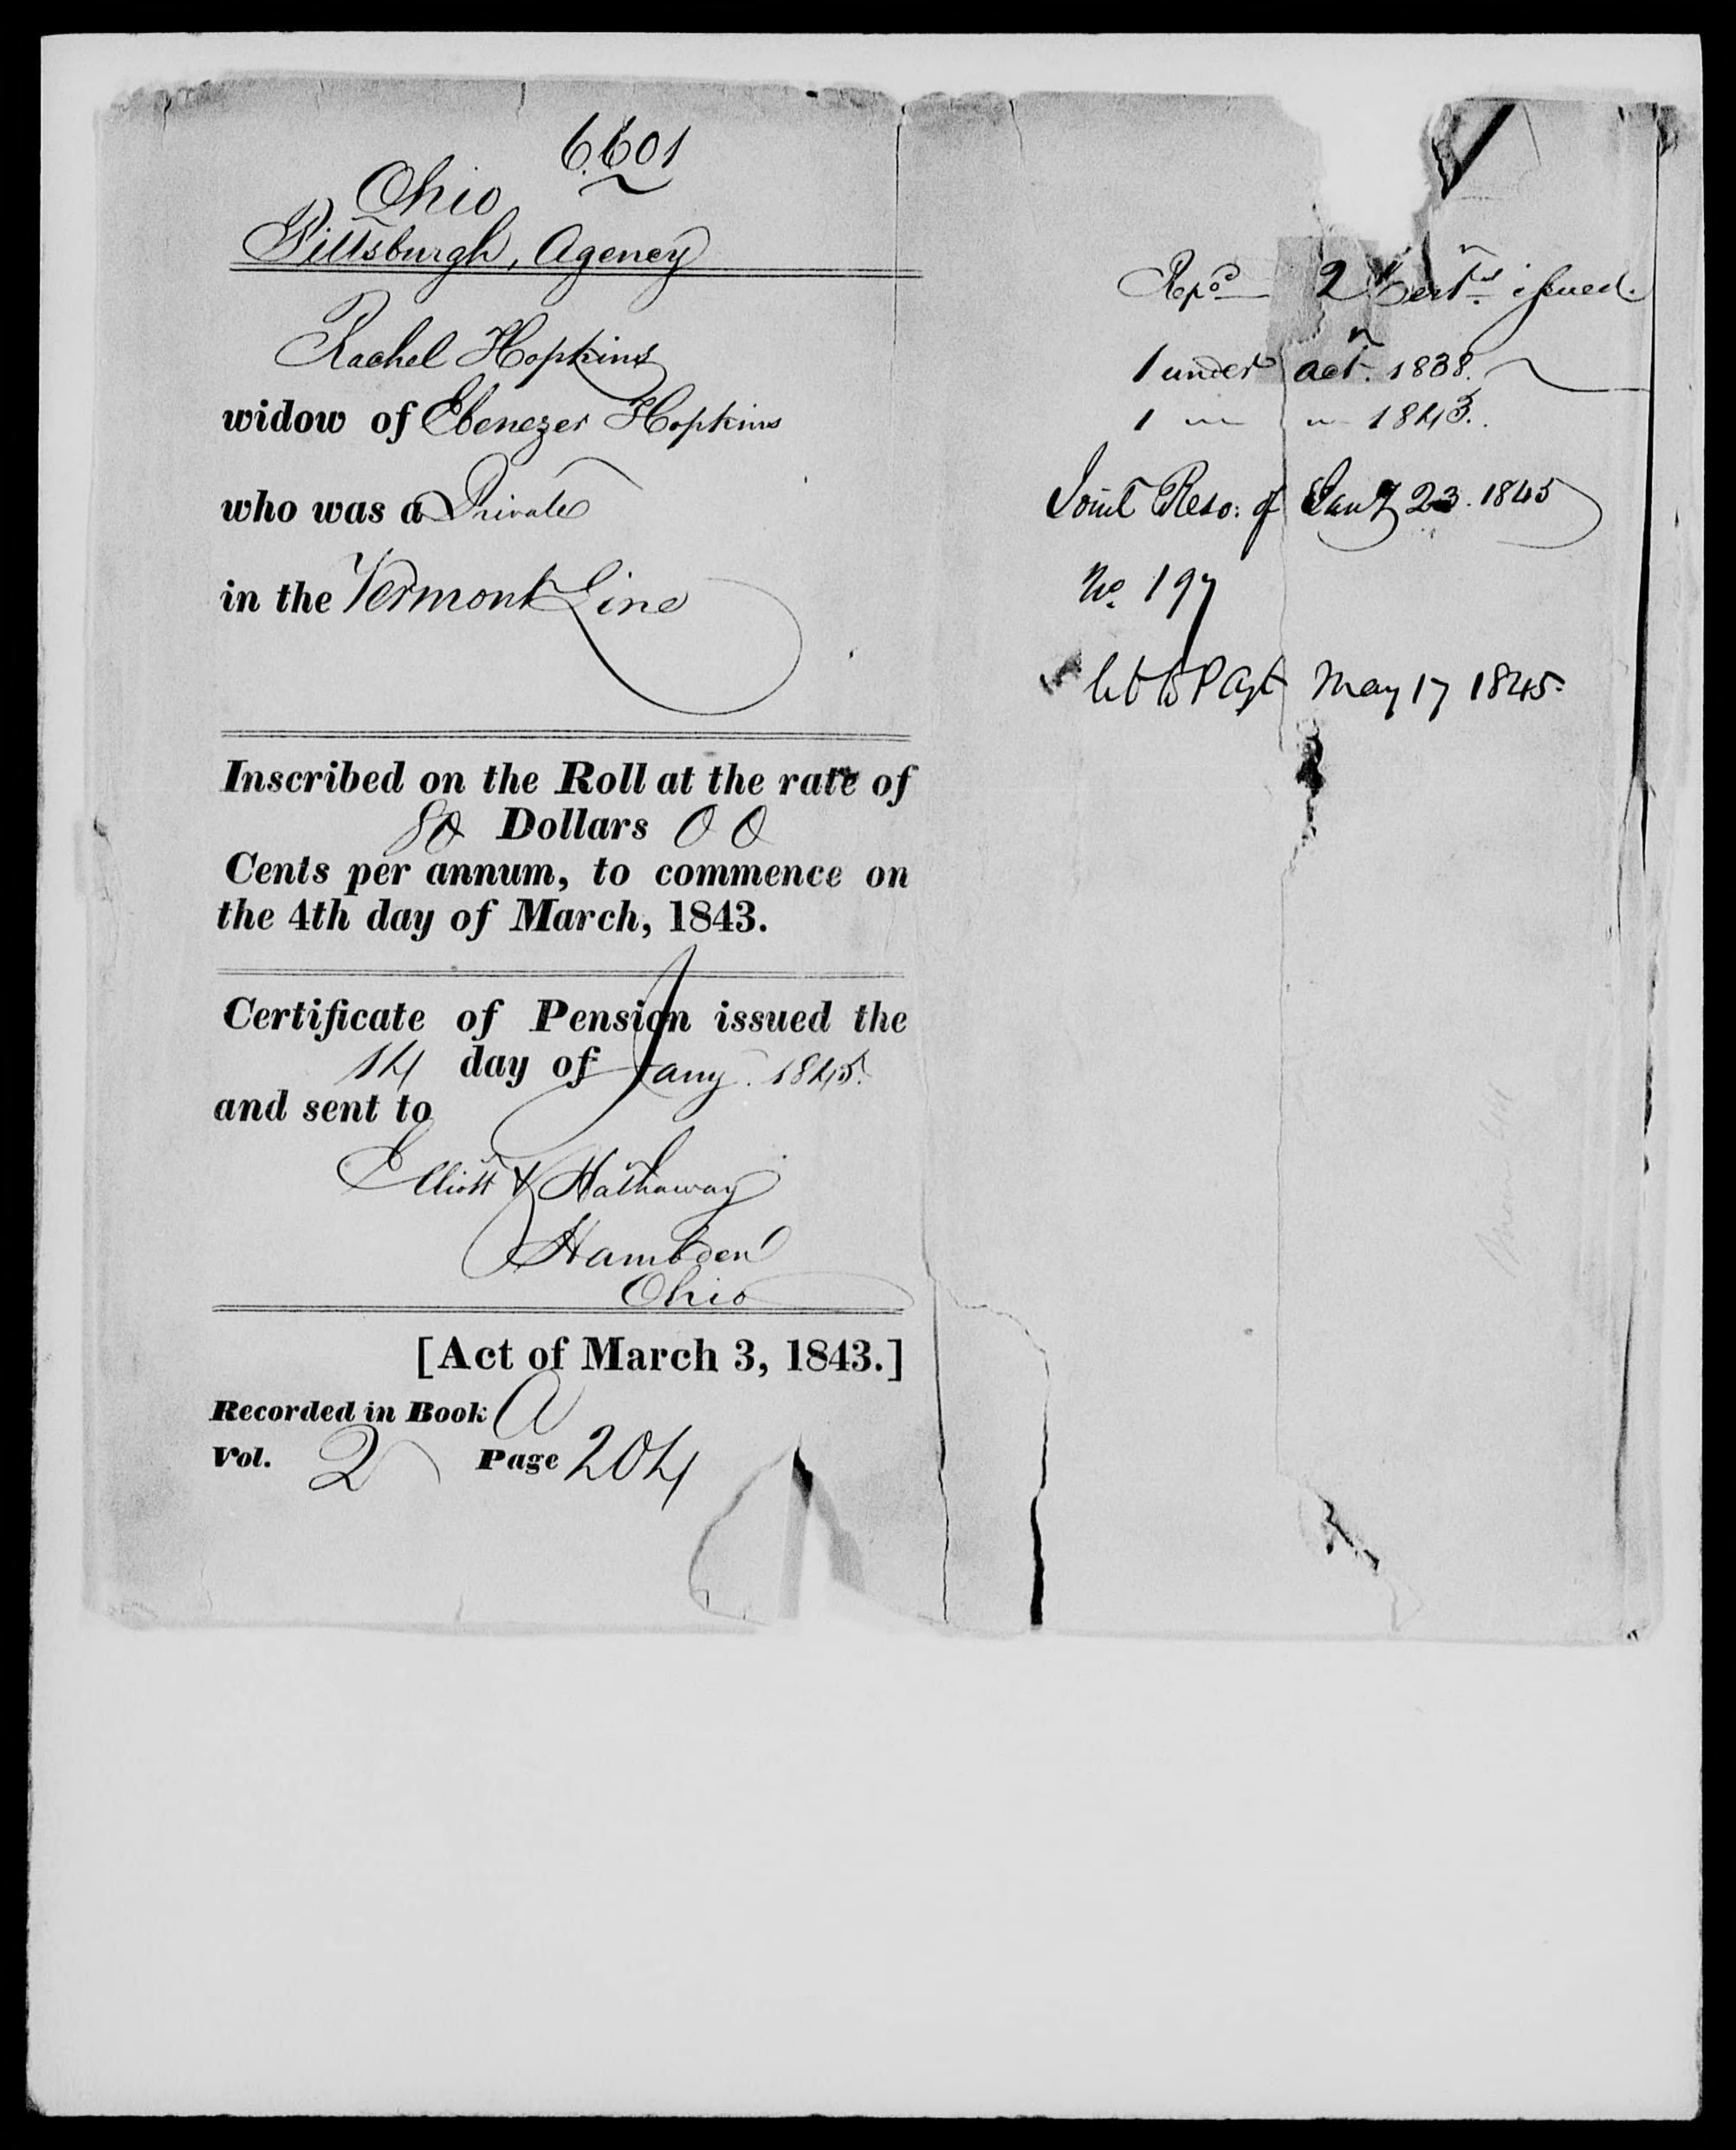Page 2 fold:

Left side:

6601
Ohio
Pittsburgh Agency
Rachel Hopkins
widow of Ebenezer Hopkins
who was a Private
in the Vermont Line

Inscribed on the Roll at the rate of
80 Dollars 00
Cents per annum, to commence on 
the 4th day of March, 1843.

Certificate of Pension issued the
the 14th day of Jany 1845
and sent to 
Elliott & Hathaway
Hambden
Ohio

[Act of March 3, 1843.]
Recorded in Book A Vol. 2 Page 204

Right side:

Repod 2 Cert. issued.
1 under Act 1838.
1 "  " 1843.
[illegible] Reso: of Jany 23. 1845
No. 197

[illegible] Payt May 17 1845.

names: Rachel Hopkins, Elliott, Ebenezer Hopkins, Hathaway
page: 83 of 144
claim: rejected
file: R. 5208, Dennis Hopkins, N.C.